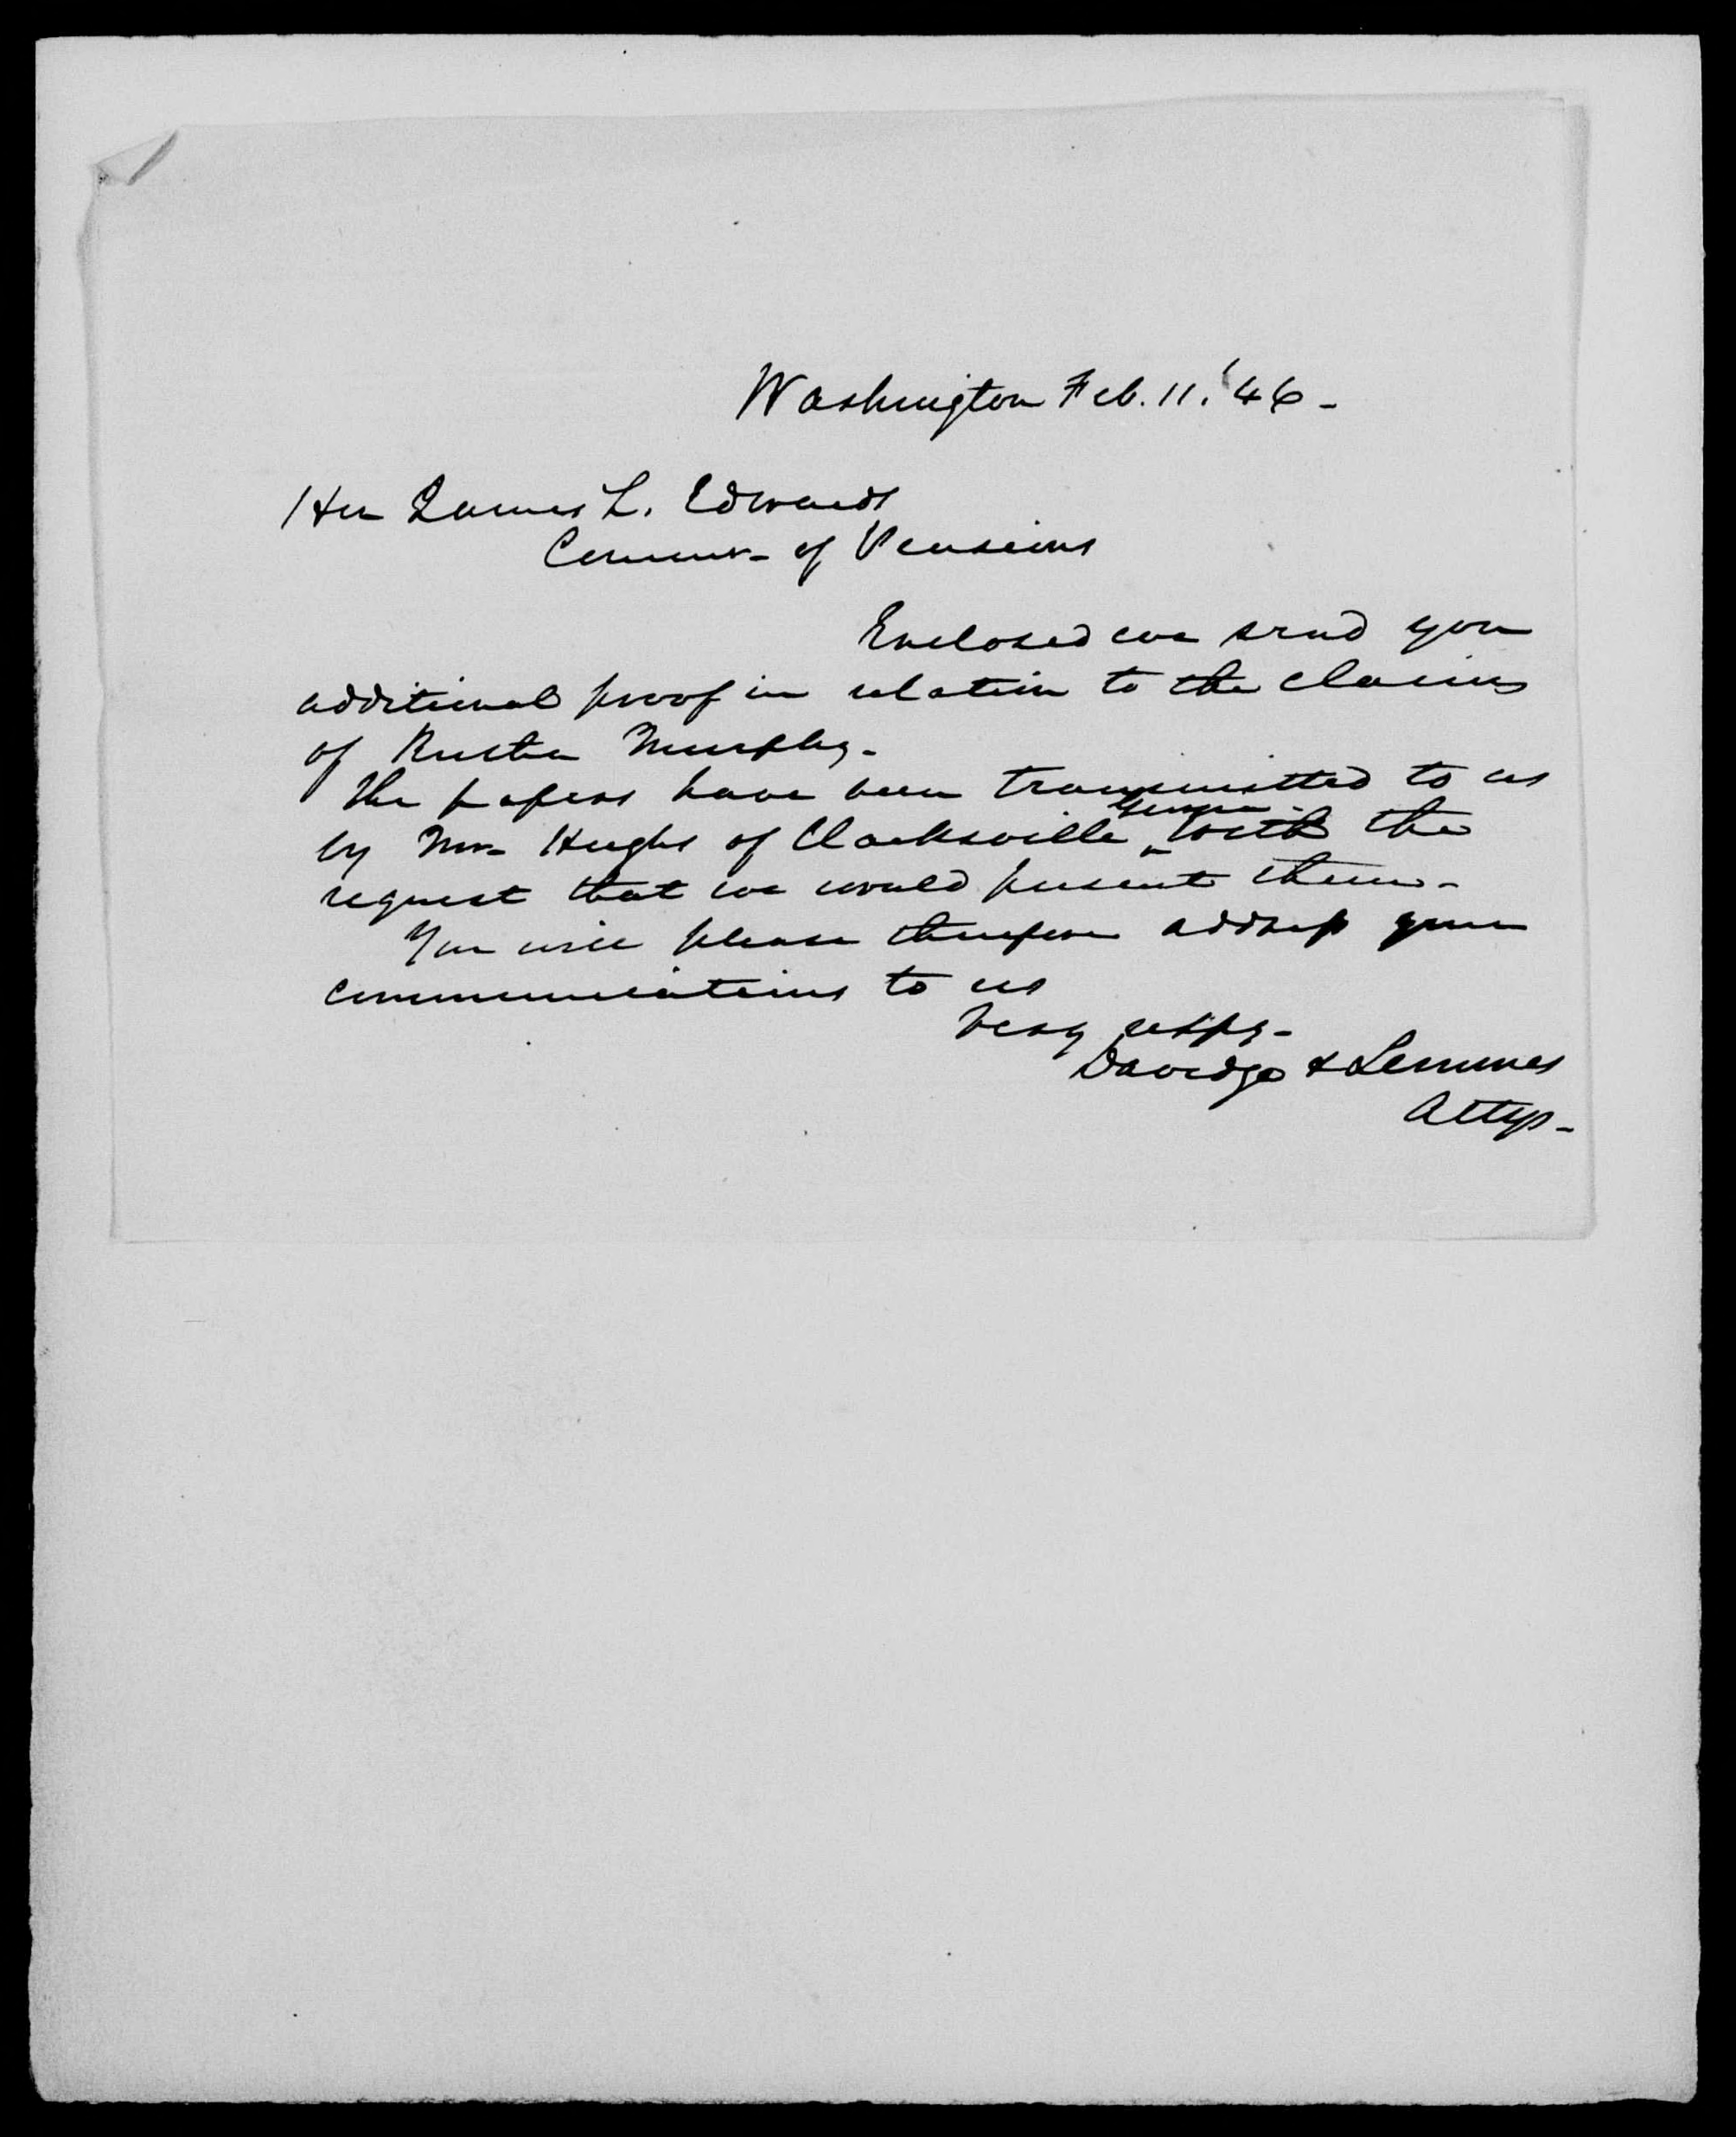Washington Feb. 11. 66

Hon Larry L Edward’s
Comm of Pensions

Enclosed we send you additional proof in relation to the claims of Rutha Murphy.

The papers have been transmitted to us by Mrs Hughs of Clarksville, Georgia with the request that we would present them. 
You will please therefore (not legible) give communications to us
Truly yours
David & Lenunes
Attys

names: Semmes, James L Edwards, Rutha Murphy, Davedge, Hughs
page: 14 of 108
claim: rejected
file: R. 7,515, John Hudgins, N.C.